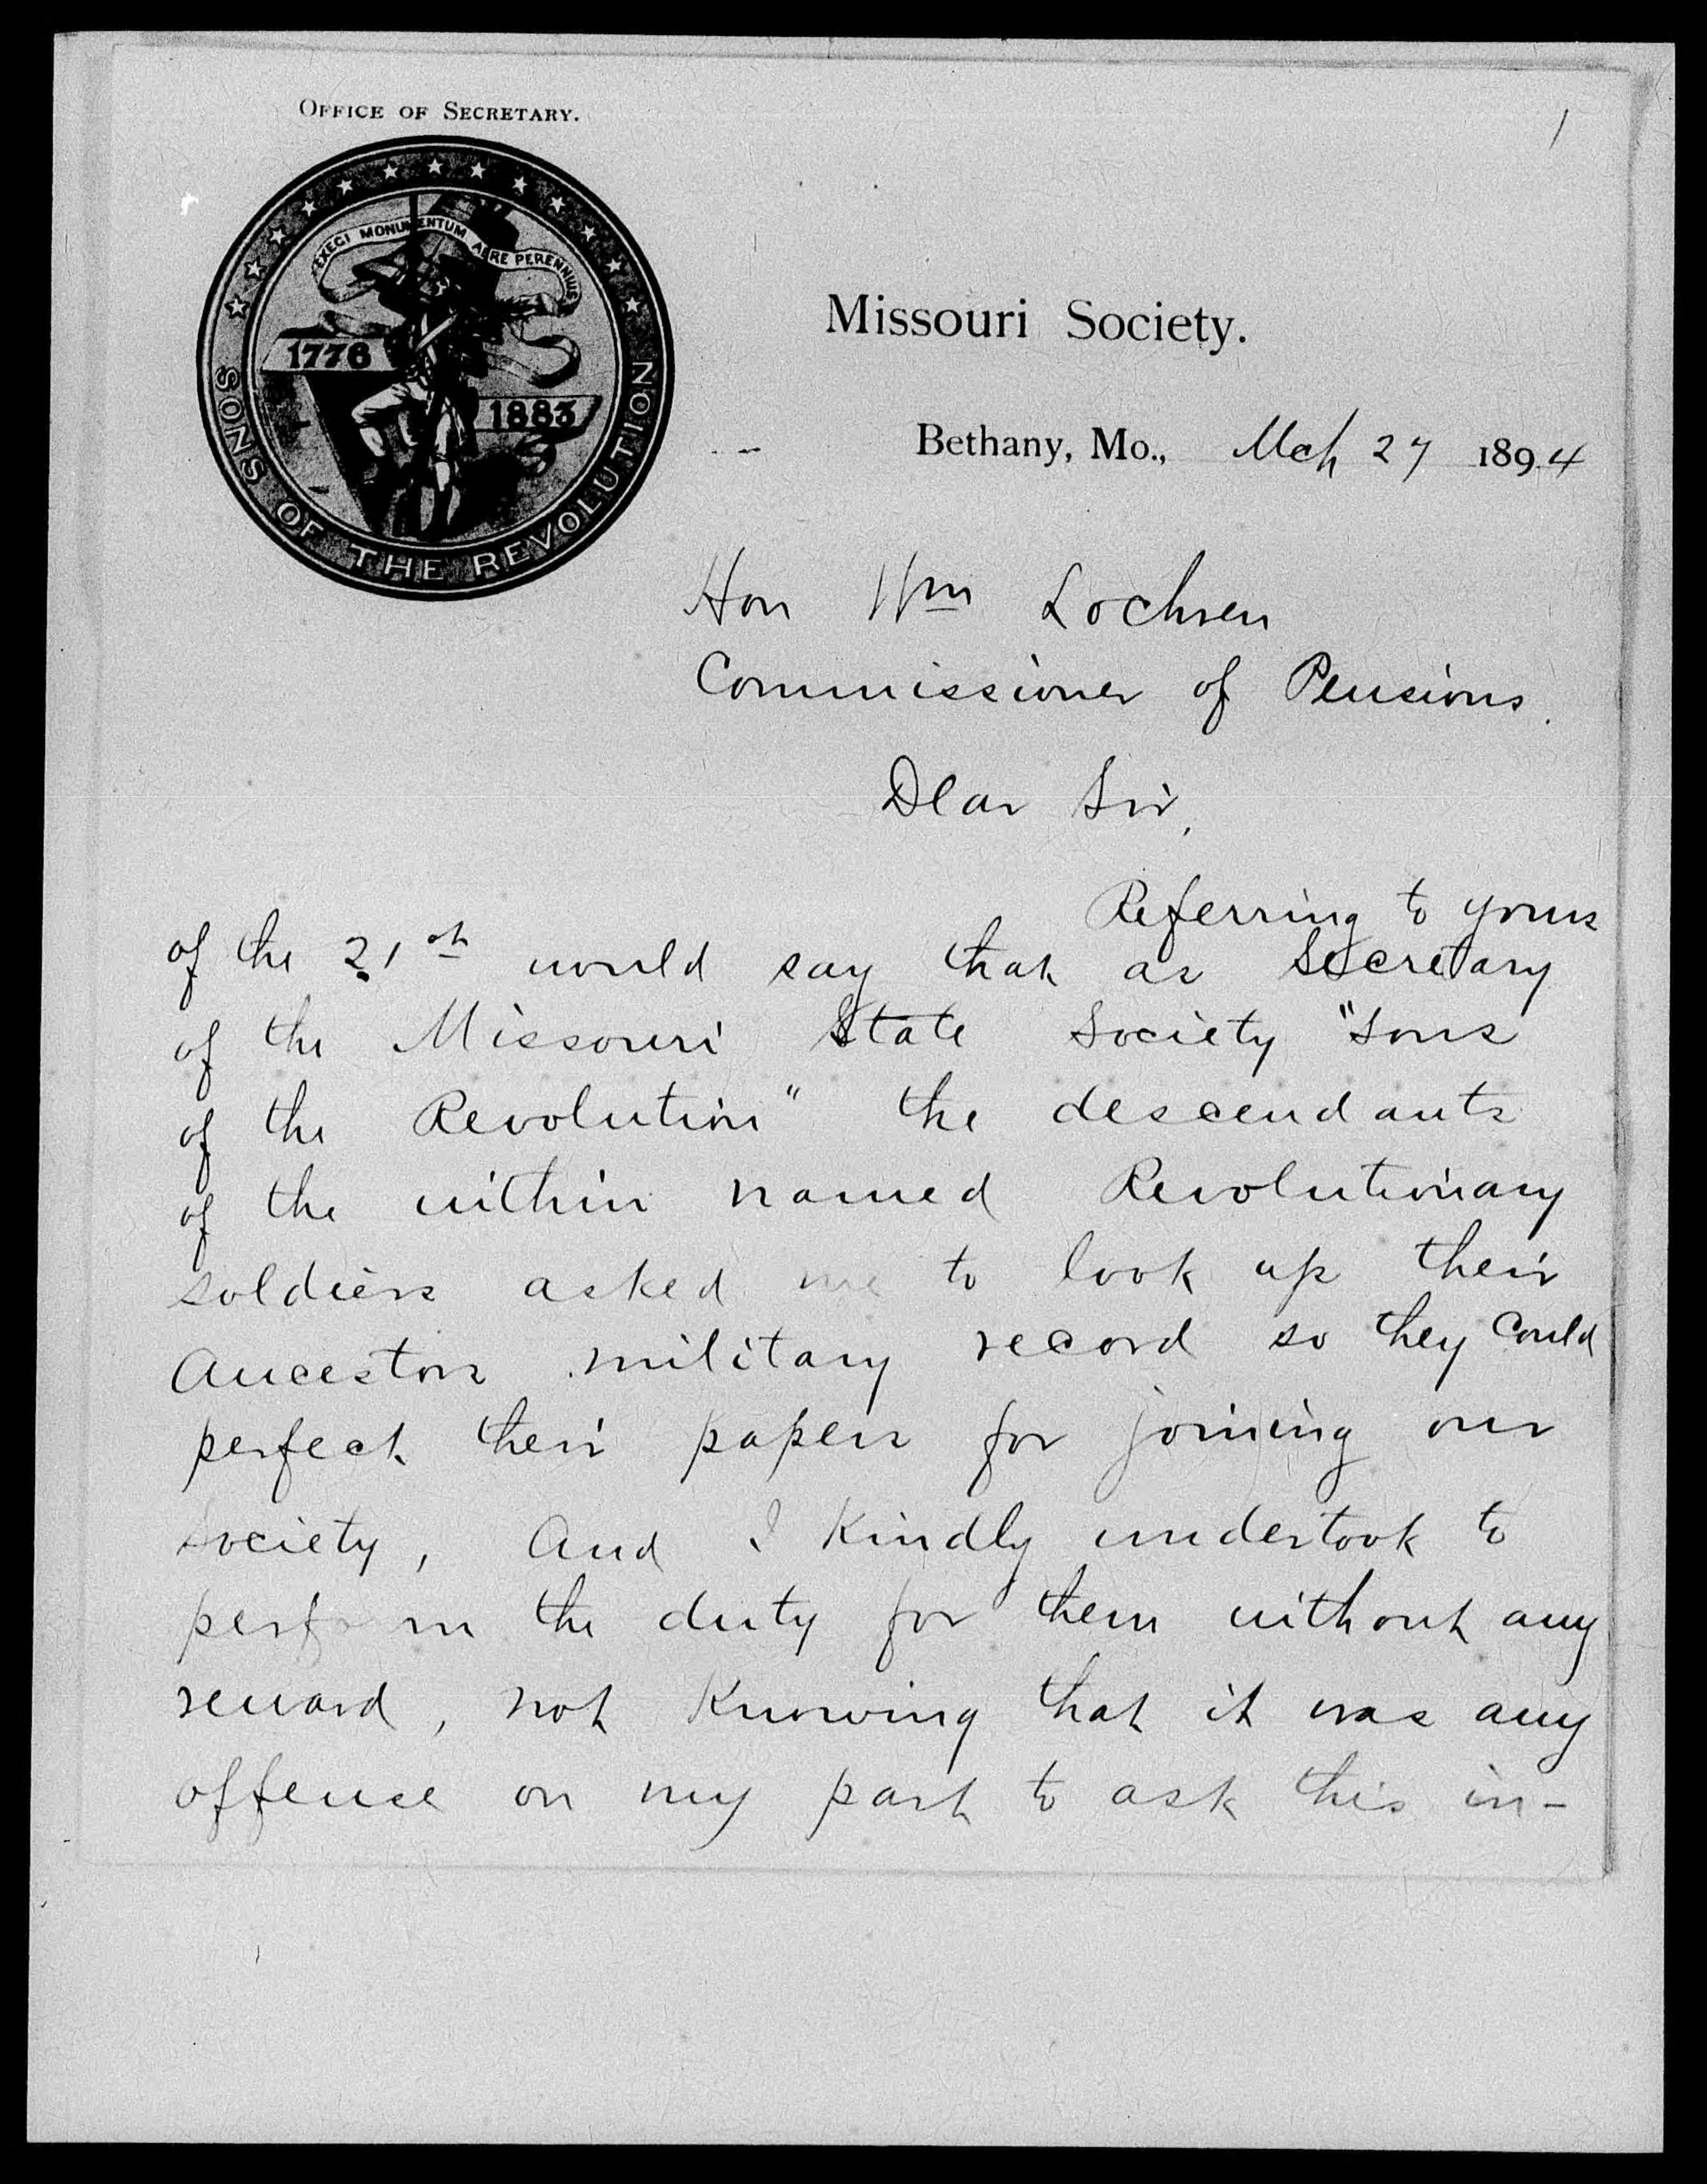Office of Secretary
[seal] SONS OF THE REVOLUTION 1776 1883
Missouri Society. Bethany, Mo., Mch [MARCH] 27 1894

Hon Wm [WILLIAM] Lochren
Commissioner of Pensions
Dear Sir, 
Referring to yours of the 21st would say that as Secretary of the Missouri State Society "Sons of the Revolution" the descendants of the within named Revolutionary soldiers asked me to look up their Ancestors [sic] military record so they could perfect their papers for joining our society, and I kindly undertook to perform the duty for them without any reward, not knowing that it was any 
any offense on my part to ask this in-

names: Wm Lochren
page: 36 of 53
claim: widow's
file: W. 492, for Daniel Lamprey, New Hampshire